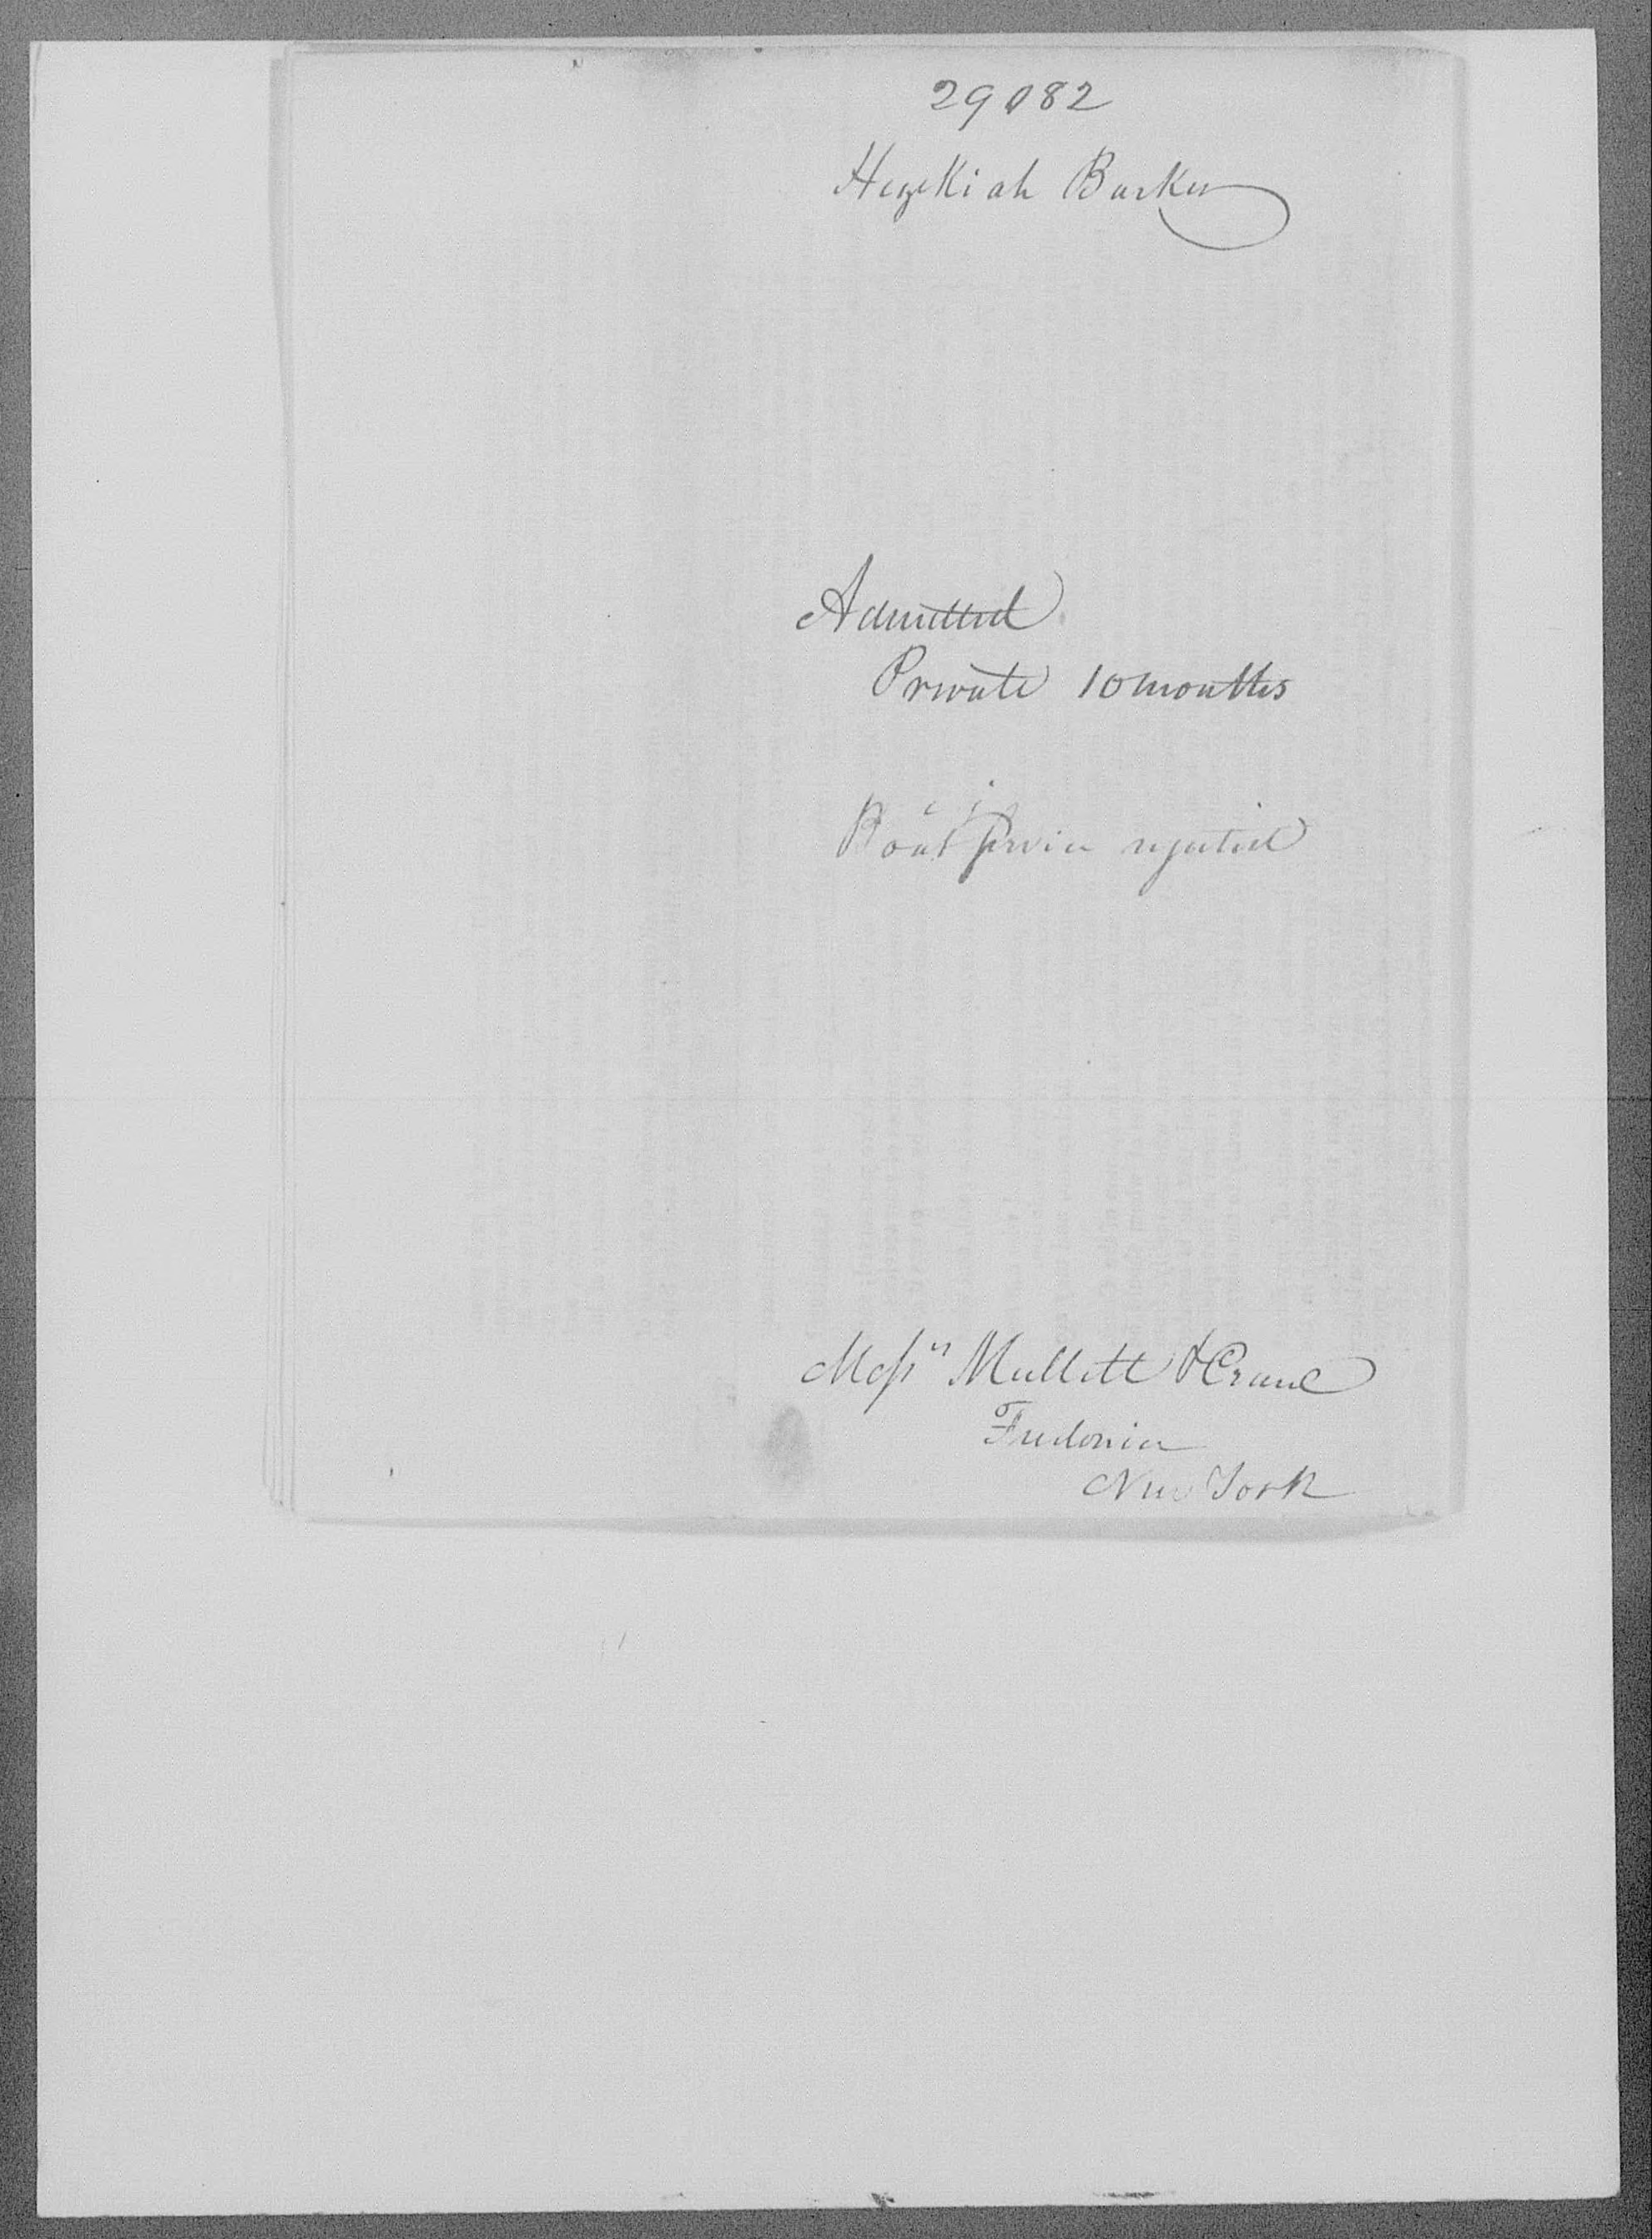29082
Hezekiah Barker
Admitted
Private 10 months
Boat service reputed
Maj Mullett [illegible]
Fredonia
New York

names: Hezekiah Barker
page: 3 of 52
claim: widow's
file: W. 18,565, Hezekiah Barker, Continental R.I.